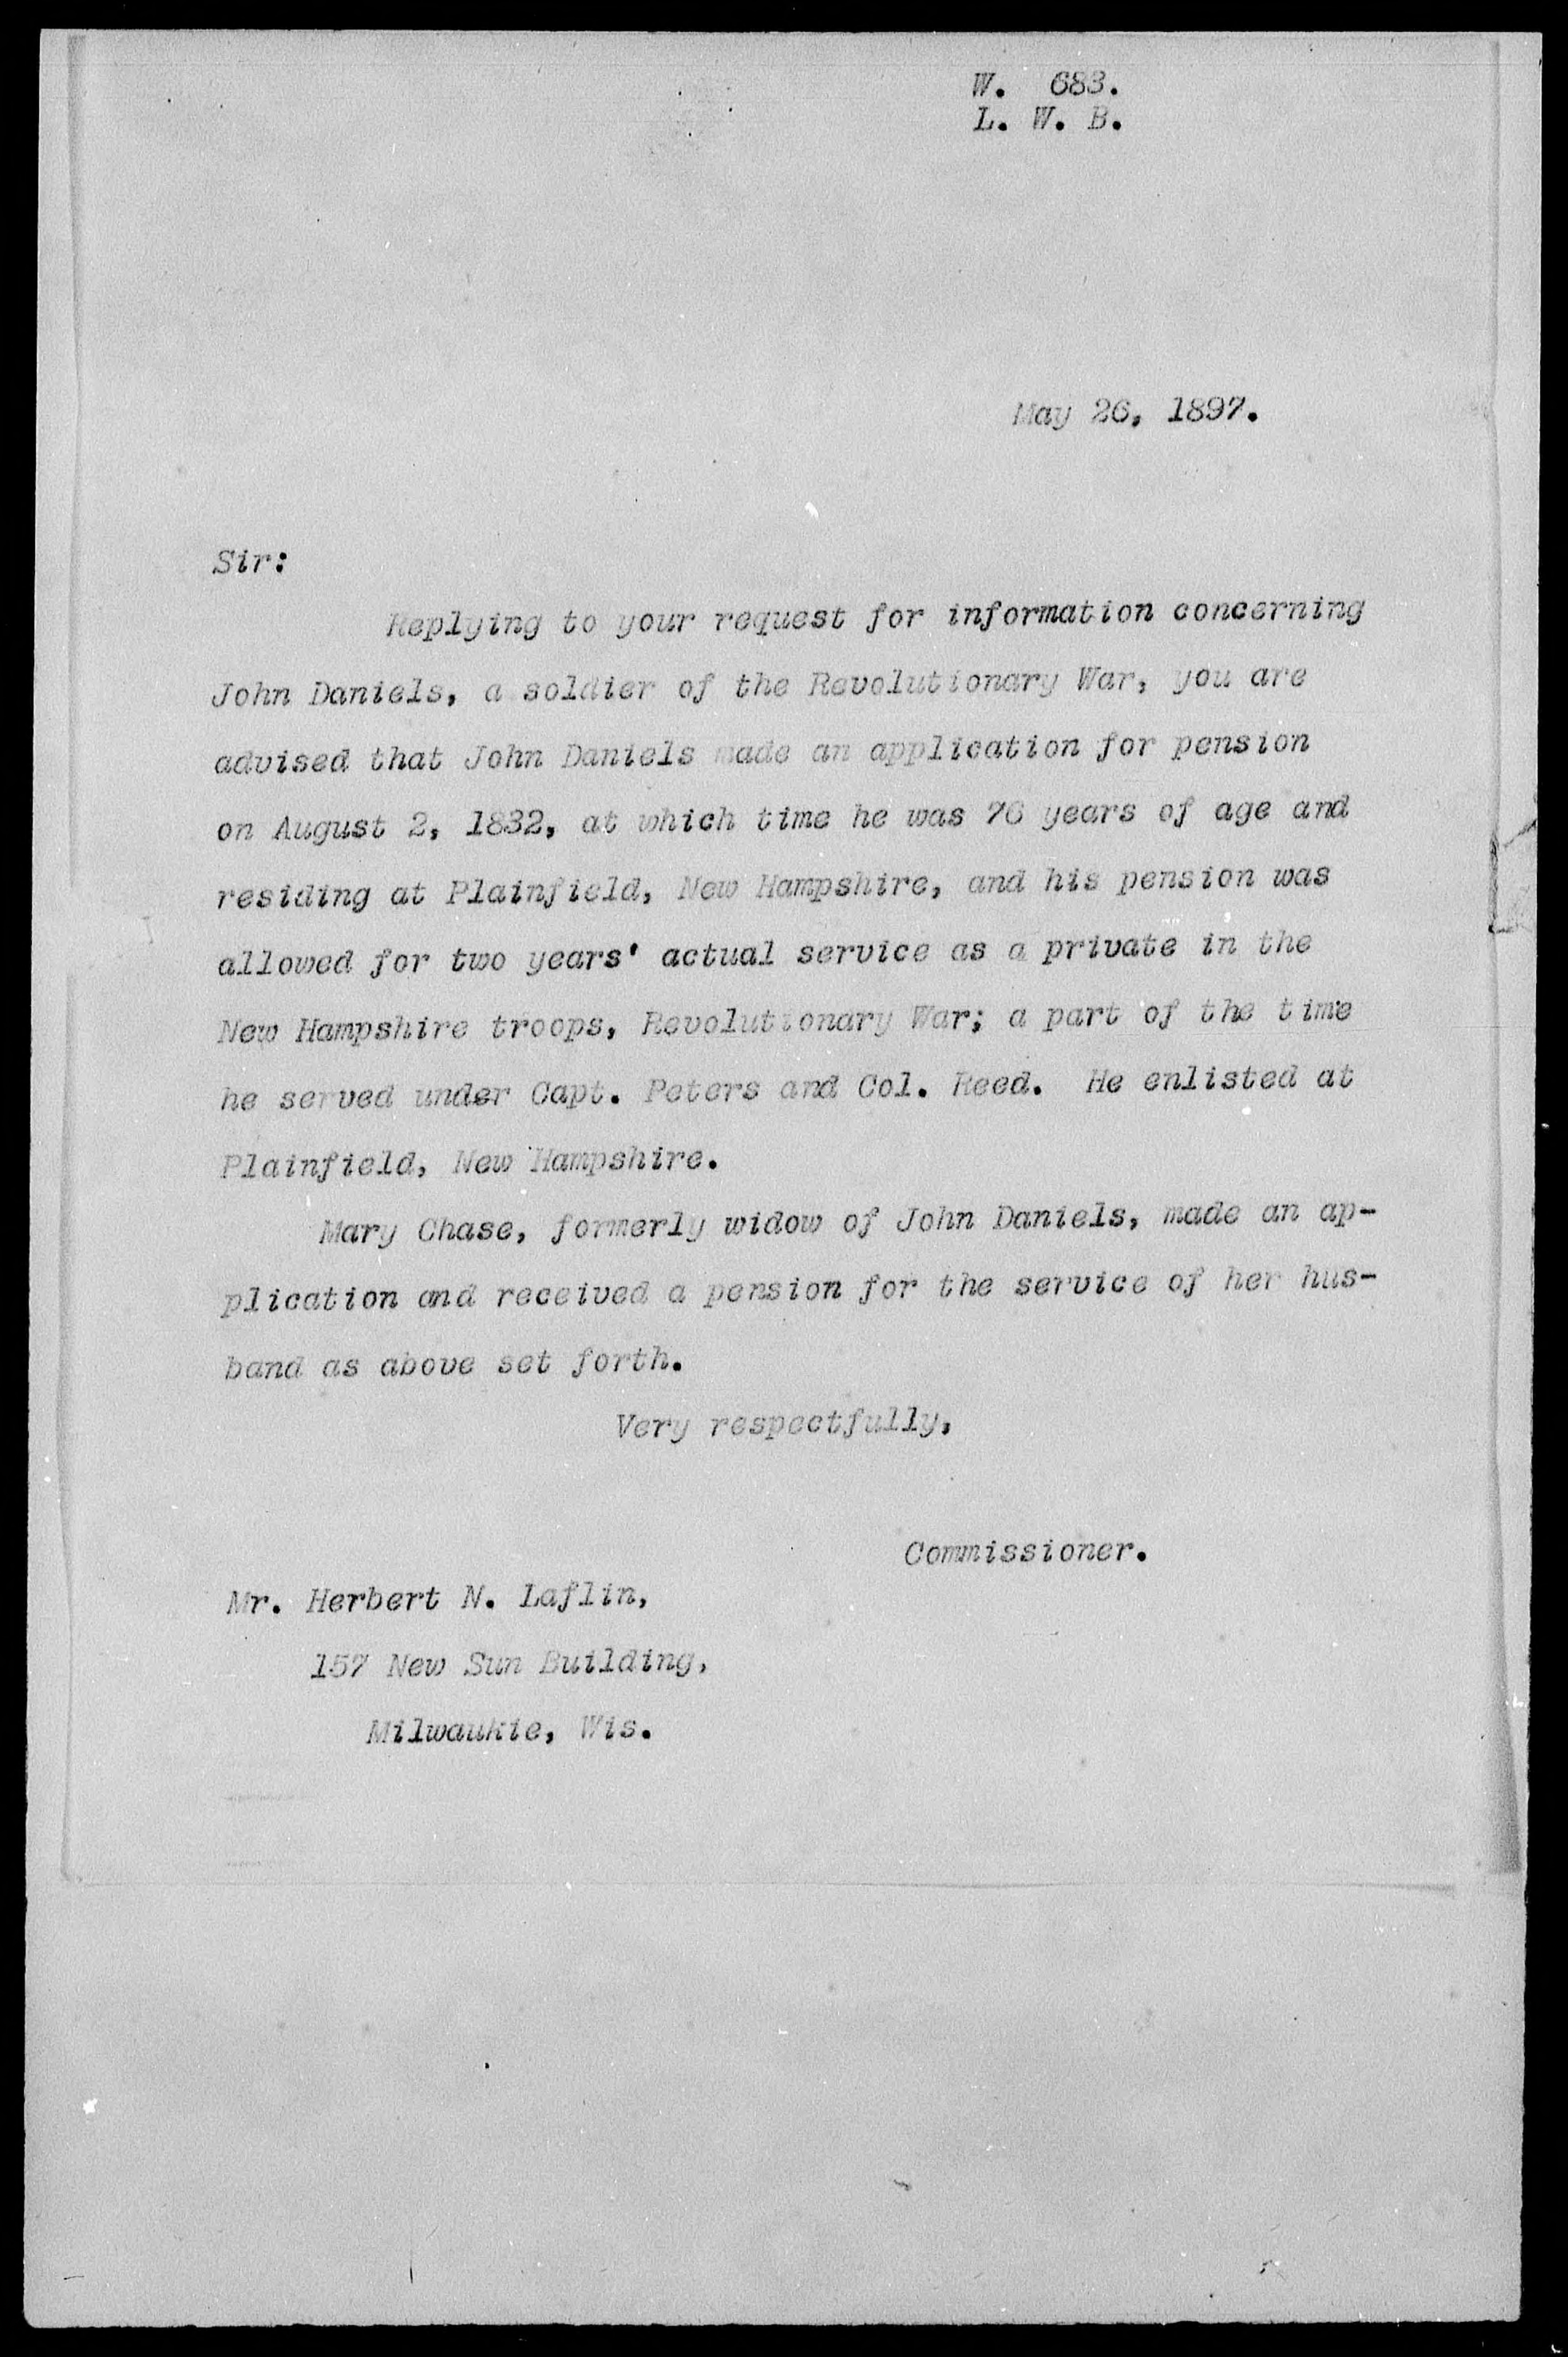W. 683.
L.W.B.

May 26, 1897

Sir:    Replying to your request for information concerning John Daniels, a soldier of the Revolutionary War, you are advised that John Daniels made an application for pension on August  2, 1832, at which time he was 76 years of age and residing at Plainfield, New Hampshire, , and his pension was allowed for two years' actual service as a private in the New Hampshire  troops, Revolutionary war; a part of the time he served under Capt. Peters and Col Reed..  He enlisted at Plainfield, New Hampshire.
Mary Chase, formerly widow of John Daniels, made an application and received a pension for the service of her husband as above set forth.
Very respectfully,
[no signature]
Commissioner.

Mr. Herbert N. Laflin
157 New Sun Building
Milwaukee, Wis.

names: Peters, John Daniels, John Daniels, Mary Chase, Reed, Herbert N Laflin, John Daniels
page: 41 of 43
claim: widow's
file: W 683, John Daniels, Continental Mass. N.H.